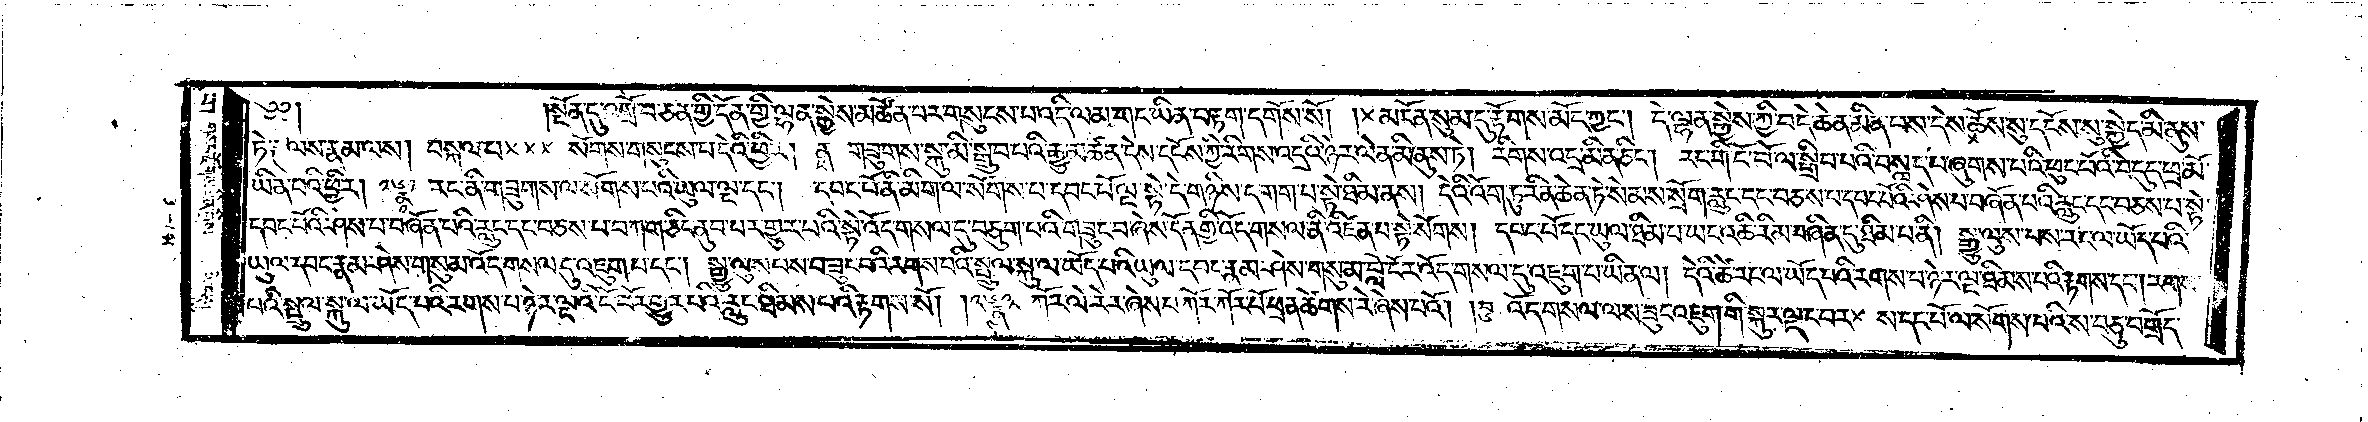༄༅། །སྔོན་དུ་འགྲོ་བ་ཅན་གྱི་དོན་གྱི་ལྷན་སྒྱེས་མཚོན་པར་གསུངས་པ་འདི་ལམ་གང་ཡིན་བརྟག་དགོས་སོ། །྾མངོན་སུམ་དུ་རྟོགས་མོད་ཀྱང་། དེ་ལྷན་སྐྱེས་ཀྱི་བདེ་ཆེན་མིན་པས་དེས྾་ཆོས་སུ་དངོས་སུ་སྐྱེད་མི་ནུས་
ཏེ༑ ཡང?་རྣམ་ལས། བསྐལ་བ་྾྾྾་སོགས་གསུངས་པ་དེའི་ཕྱིར། ན་གཟུགས་སྐུ་མི་སྒྲུབ་པའི་རྒྱུ་མཚན་དེས་དངོས་ཀྱི་རིགས་འདྲའི་ཉེར་ལེན་མི་ནུས་ཏེ། རིགས་འདྲ་མིན་ཅིང་། རང་གི་ངོ་བོ་ལ་སྒྲིབ་པའི་བསླད་པ་ཞུགས་པའི་ཕུང་པོའི་བདུད་ཕྲ་མོ་
ཡིན་པའི་ཕྱིར། ༢༦༡ན༡་རང་ནི་གཟུགས་ལ་སོགས་པའི་ཡུལ་ལྔ་དང་། དབང་པོ་ནི་མིག་ལ་སོགས་པ་དབང་པོ་ལྔ་སྟེ་དེ་གཉིས་དགག་པ་སྟེ་ཐིམ་ནས། དེའི་འོག་ཏུ་རིན་ཆེན་ཏེ་སེམས་སྲོག་རླུང་དང་བཅས་པ་དབང་པོའི་ཤེས་པ་བཞོན་པའི་རླུང་དང་བཅས་པ་སྟེ་
དབང་པོའི་ཤེས་པ་བཞོན་པའི་རླུང་དང་བཅས་པ་བཀག་ཅིང་ནུབ་པར་གྱུར་པའི་སྟེ་འོད་གསལ་དུ་བཅུག་པའི་གཟུང་བ་ཞེས་དོན་གྱི་འོད་གསལ་ནི་འཛིན་པ་སྟེ་སོགས། དབང་པོ་དང་ཡུལ་ཐིམ་པ་ཡང་འཆི་རིམ་བཞིན་དུ་ཐིམ་པ་ནི། སྒྱུ་ལུས་པས་རང་ལ་ཡོད་པའི་
ཡུལ་དབང་རྣམ་ཤེས་གསུམ་འོད་གསལ་དུ་འཇུག་པ་དང་། སྒྱུ་ལུས་པས་བཟུང་པའི་རགས་པའི་སྤྲུལ་སྐུ་ལ་ཡོད་པའི་ཡུལ་དབང་རྣམ་ཤེས་གསུམ་བློ་ངོར་འོད་གསལ་དུ་འཇུག་པ་ཡིན་ལ། དེའི་ཚེ་རང་ལ་ཡོད་པའི་རགས་པ་ཉེར་ལྔ་ཐིམས་པའི་རྟགས་དང་། རགས་
པའི་སྤྲུལ་བསྐུ་ལ་ཡོད་པའི་རགས་པ་ཉེར་ལྔའི་ངོ་བོར་གྱུར་བའི་རླུང་ཐིམས་པའི་རྟགས་སོ། །༢༦༣ན༤་ཀོར་ལེ་རེར་ཞེས་པ་ཀོར་ཀོར་པོ་ཕྲན་ཚོགས་རེ་ཞེས་པའོ། །བ༧་འོད་གསལ་ལས་ཟུང་འཇུག་གི་སྐུར་ལྡང་བར྾་ས་དང་པོ་ལ་སོགས་པའི་ས་བཅུ་བགྲོད་